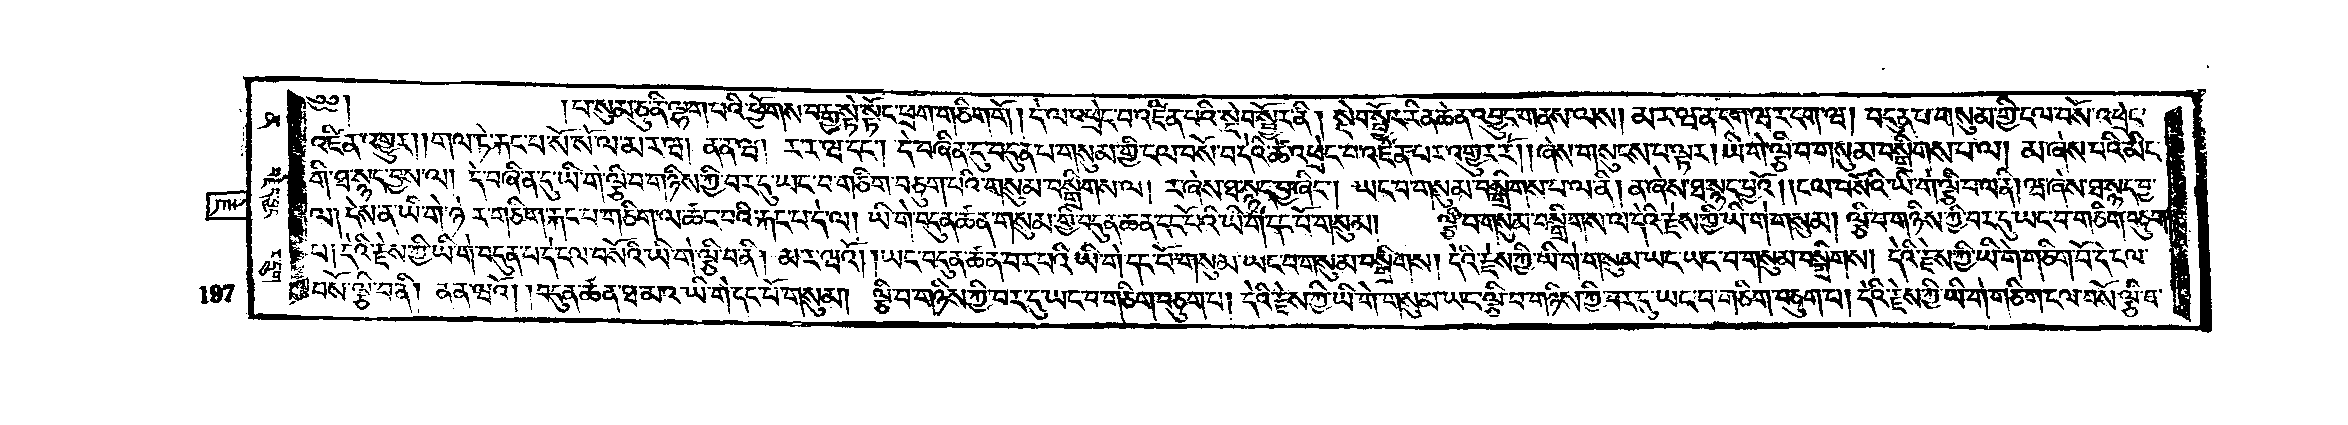༄༅། །པ་སུམ་ཅུ་ནི་ལྷག་པའི་ཕྱོགས་བརྒྱ་སྟེ་སྟོང་ཕྲག་གཅིག་གོ །དེ་ལ་འཕྲེང་བ་འཛིན་པའི་སྡེབ་སྦྱོར་ནི། སྡེབ་སྦྱོར་རིན་ཆེན་འབྱུང་གནས་ལས། མ་ར་ཝ་ན་ངག་ཝ་ར་དག་ཝ། བདུན་པ་གསུམ་གྱི་ངལ་བསོ་འཕྲེང་
འཛིན་འགྱུར། །གལ་ཏེ་རྐང་པ་སོ་སོ་ལ་མ་ར་ཝ། ན་ན་ཝ། ར་ར་ཝ་དང་། དེ་བཞིན་དུ་བདུན་པ་གསུམ་གྱི་ངལ་བསོ་བ་དེའི་ཚེ་འཕྲེང་བ་འཛིན་པར་འགྱུར་རོ། །ཞེས་གསུངས་པ་ལྟར། ཡི་གེ་ལྕི་བ་གསུམ་བསྒྲིགས་པ་ལ། མ་ཞེས་པའི་མིང་
གི་ཐ་སྙད་བྱས་ལ། དེ་བཞིན་དུ་ཡི་གེ་ལྕི་བ་གཉིས་ཀྱི་བར་དུ་ཡང་བ་གཅིག་བཅུག་པའི་གསུམ་བསྒྲིགས་ལ། ར་ཞེས་ཐ་སྙད་བྱ་ཞིང་། ཡང་བ་གསུམ་བསྒྲིགས་པ་ལ་ནི། ན་ཞེས་ཐ་སྙད་བྱའོ། །ངལ་བསོའི་ཡི་གེ་ལྕི་བ་ལ་ནི། ཝ་ཞེས་ཐ་སྙད་བྱ་
ལ། དེས་ན་ཡི་གེ་ཉེར་གཅིག་རྐང་པ་གཅིག་ལ་ཚང་བའི་རྐང་པ་དེ་ལ། ཡི་གེ་བདུན་ཚན་གསུམ་གྱི་བདུན་ཚན་དང་པོའི་ཡི་གེ་དང་པོ་གསུམ། ལྕི་བ་གསུམ་བསྒྲིགས་ལ་དེའི་རྗེས་ཀྱི་ཡི་གེ་གསུམ། ལྕི་བ་གཉིས་ཀྱི་བར་དུ་ཡང་བ་གཅིག་བཅུག་
པ། དེའི་རྗེས་ཀྱི་ཡི་གེ་བདུན་པ་དེ་ངལ་བསོའི་ཡི་གེ་ལྕི་བ་ནི། མ་ར་ཝའོ། །ཡང་བདུན་ཚན་བར་པའི་ཡི་གེ་དང་པོ་གསུམ་ཡང་བ་གསུམ་བསྒྲིགས། དེའི་རྗེས་ཀྱི་ཡི་གེ་གསུམ་ཡང་ཡང་བ་གསུམ་བསྒྲིགས། དེའི་རྗེས་ཀྱི་ཡི་གེ་གཅིག་པོ་དེ་ངལ་
བསོ་ལྕི་བ་ནི། ན་ན་ཝའོ། །བདུན་ཚན་ཐ་མའ་ཡི་གེ་དང་པོ་གསུམ། ལྕི་བ་གཉིས་ཀྱི་བར་དུ་ཡང་བ་གཅིག་བཅུག་པ། དེའི་རྗེས་ཀྱི་ཡི་གེ་གསུམ་ཡང་ལྕི་བ་གཉིས་ཀྱི་བར་དུ་ཡང་བ་གཅིག་བཅུག་པ། དེའི་རྗེས་ཀྱི་ཡི་གེ་གཅིག་ངལ་བསོ་ལྕི་བ་